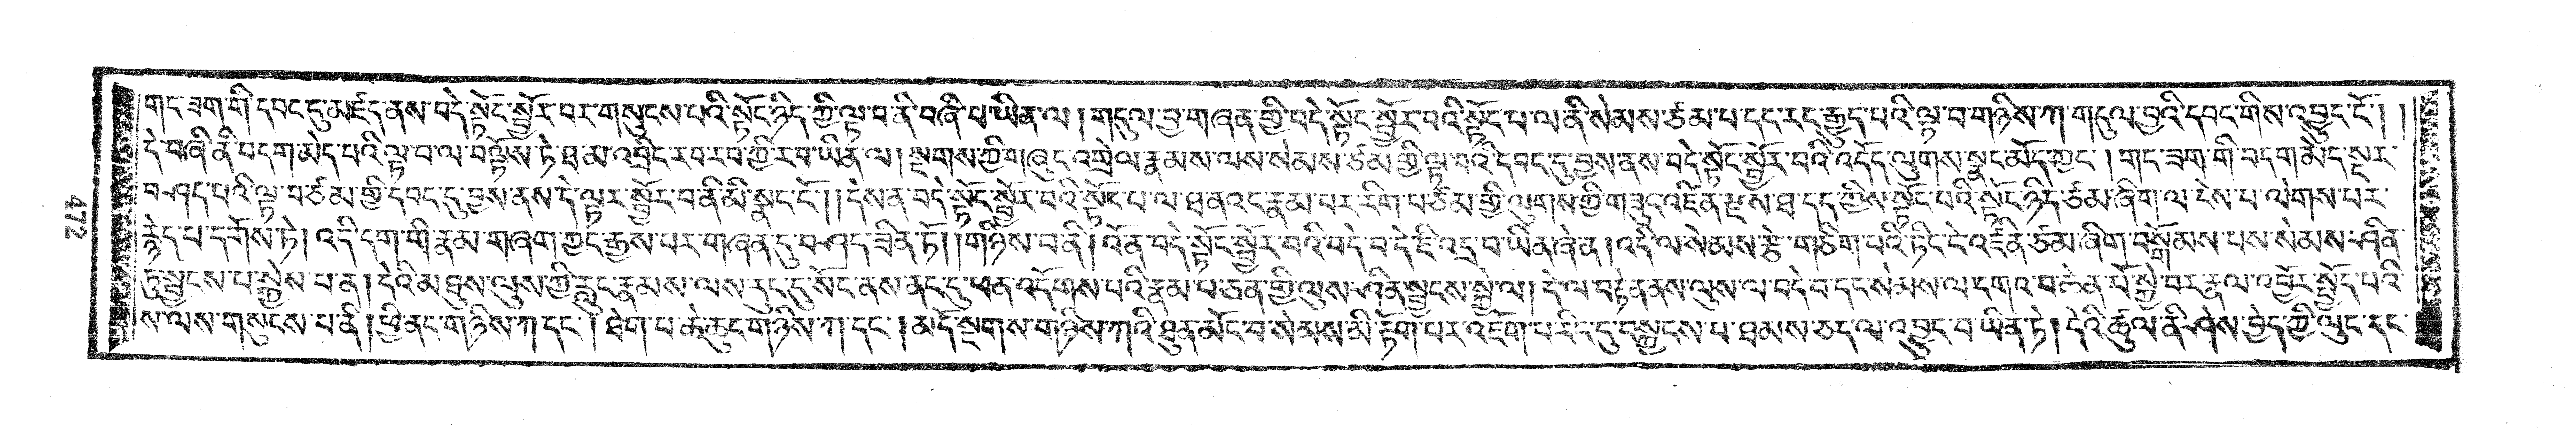གང་ཟག་གི་དབང་དུ་མཛད་ནས་བདེ་སྟོང་སྦྱོར་བར་གསུངས་པའི་སྟོང་ཉིད་ཀྱི་ལྟ་བ་ནི་བཞི་པ་ཡིན་ལ། གདུལ་བྱ་གཞན་གྱི་བདེ་སྟོང་སྦྱོར་བའི་སྟོང་པ་ལ་ནི་སེམས་ཙམ་པ་དང་རང་རྒྱུད་པའི་ལྟ་བ་གཉིས་ཀ་གདུལ་བྱའི་དབང་གིས་འབྱུང་ངོ། །
དེ་བཞི་ནི་བདག་མེད་པའི་ལྟ་བ་ལ་བལྟོས་ཏེ་ཐ་མ་འབྲིང་རབ་རབ་ཀྱི་རབ་ཡིན་ལ། སྔགས་ཀྱི་གཞུང་འགྲེལ་རྣམས་ལས་སེམས་ཙམ་གྱི་ལྟ་བའི་དབང་དུ་བྱས་ནས་བདེ་སྟོང་སྦྱོར་བའི་འདོད་ལུགས་སྣང་མོད་ཀྱང་། གང་ཟག་གི་བདག་མེད་སྔར་
བཤད་པའི་ལྟ་བ་ཙམ་གྱི་དབང་དུ་བྱས་ནས་དེ་ལྟར་སྦྱོར་བ་ནི་མི་སྣང་ངོ། །དེས་ན་བདེ་སྟོང་སྦྱོར་བའི་སྟོང་པ་ལ་ཐ་ནའང་རྣམ་པར་རིག་པ་ཙམ་གྱི་ལུགས་ཀྱི་གཟུང་འཛིན་རྫས་ཐ་དད་ཀྱིས་སྟོང་པའི་སྟོང་ཉིད་ཙམ་ཞིག་ལ་ངེས་པ་ལེགས་པར་
རྙེད་པ་དགོས་ཏེ། འདི་དག་གི་རྣམ་གཞག་ཀྱང་རྒྱས་པར་གཞན་དུ་བཤད་ཟིན་ཏོ། །གཉིས་པ་ནི། འོ་ན་བདེ་སྟོང་སྦྱོར་བའི་བདེ་བ་དེ་ཇི་འདྲ་བ་ཡིན་ཞེ་ན། འདི་ལ་སེམས་རྩེ་གཅིག་པའི་ཏིང་ངེ་འཛིན་ཙམ་ཞིག་བསྒོམས་པས་སེམས་ཤིན་
ཏུ་སྦྱངས་པ་སྐྱེས་པ་ན། དེའི་མཐུས་ལུས་ཀྱི་རླུང་རྣམས་ལས་རླུང་དུ་སོང་ནས་ནང་དུ་ཕན་འདོགས་པའི་རྣམ་པ་ཅན་གྱི་ལུས་ཤིན་སྦྱངས་སྐྱེ་ལ། དེ་ལ་བརྟེན་ནས་ལུས་ལ་བདེ་བ་དང་སེམས་ལ་དགའ་བ་ཆེན་པོ་སྐྱེ་བར་རྣལ་འབྱོར་སྤྱོད་པའི་
ས་ལས་གསུངས་པ་ནི། ཕྱི་ནང་གཉིས་ཀ་དང་། ཐེག་པ་ཆེ་ཆུང་གཉིས་ཀ་དང་། མདོ་སྔགས་གཉིས་ཀའི་ཐུན་མོང་བ་སེམས་མི་རྟོག་པར་འཇོག་པ་རིང་དུ་བསྐྱངས་པ་ཐམས་ཅད་ལ་འབྱུང་བ་ཡིན་ཏེ། དེའི་ཚུལ་ནི་ཤེས་བྱེད་ཀྱི་ལུང་དང་